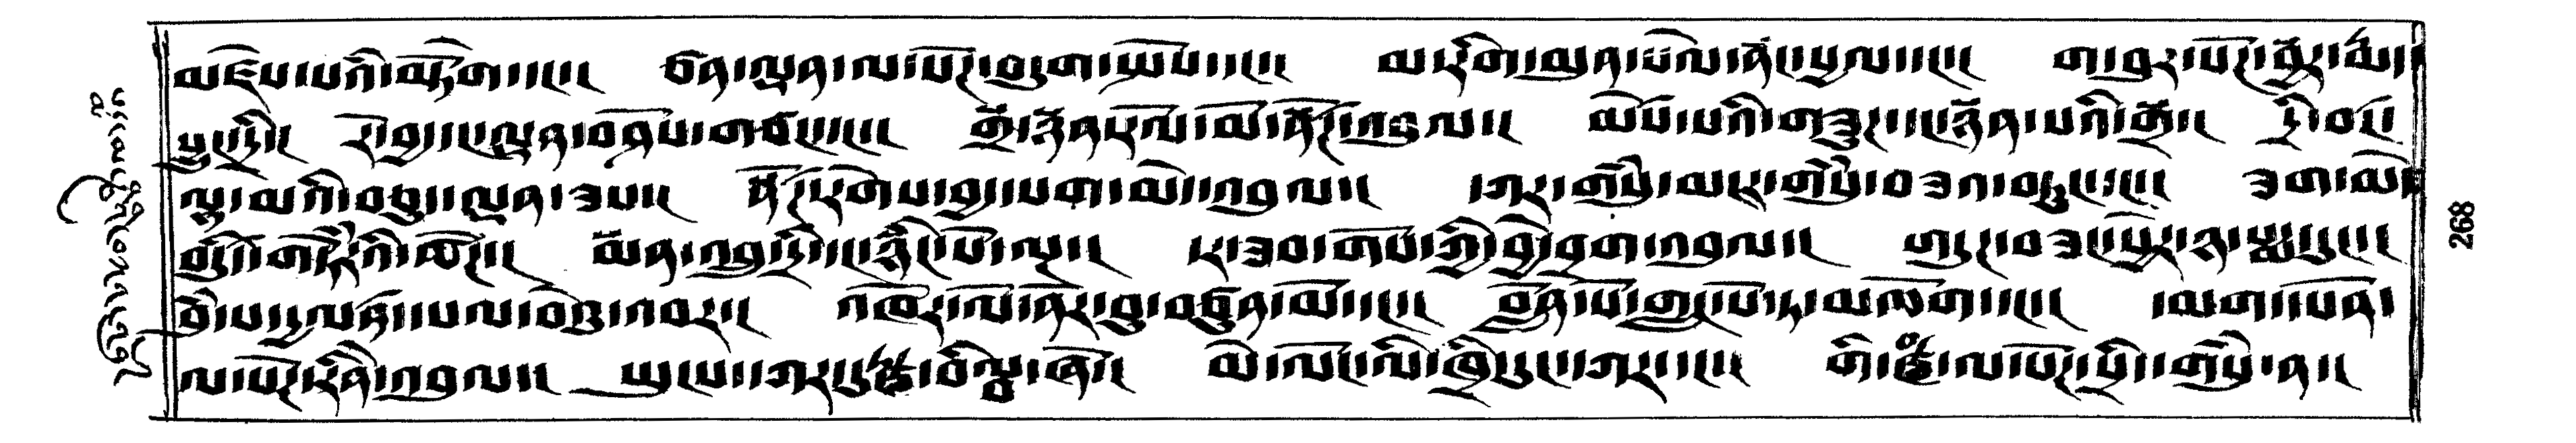མཛེས་པའི་མེ་ཏོག་དང་། །ཙན་དན་ལ་སོགས་འདུག་སྤོས་དང་། །མ་རིག་མུན་སེལ་སྣང་གསལ་དང་། །ག་བུར་སོགས་སྦྱར་རྨད་
བྱུང་དྲི། །རོ་བརྒྱ་དང་ལྡན་བཤོས་གཙང་དང་། །སྒྲ་སྙན་རོལ་མོ་སྣ་ཚོགས་འབུལ། །མཛེས་པའི་གཟུགས་དང་སྙན་པའི་སྒྲ། །དྲི་བཟང་
ལྷ་མའི་བཅུད་ལྡན་ཟས། །སྣ་ཚོགས་རེག་བྱ་དཔག་མེད་འབུལ། །དཀར་གསུམ་མངར་གསུམ་བཟའ་བཏུང་དང་། །ཟག་མེད་
བདུད་རྩི་གཏོར་མའི་ཚོགས། །སྨན་འབྲུ་དྲི་དང་སྙིང་པོ་ལྔ་། །དར་ཟབ་གོས་ཀྱི་བྱེ་བྲག་འབུལ། །གདུགས་བཟང་གསེར་ཉ་པདྨ་དུང་། །
བུམ་པ་རྒྱལ་ཚན་དཔལ་བེའུ་འབར། །འཁོར་ལོ་ནོར་བུ་བཙུན་མོ་དང་། །བློན་པོ་གླང་པོ་རྟ་མཆོག་དང་། །དམག་དཔོན་
ལ་སོགས་རིན་ཆེན་འབུལ། །ཡུངས་དཀར་དུར་ཝ་བིལྦ་ཞོ། །མེ་ལོང་ལི་ཁྲི་དུང་དཀར་དང་། །གི་ཝཾ་ལ་སོགས་སྲིད་གསུམ་ན། །